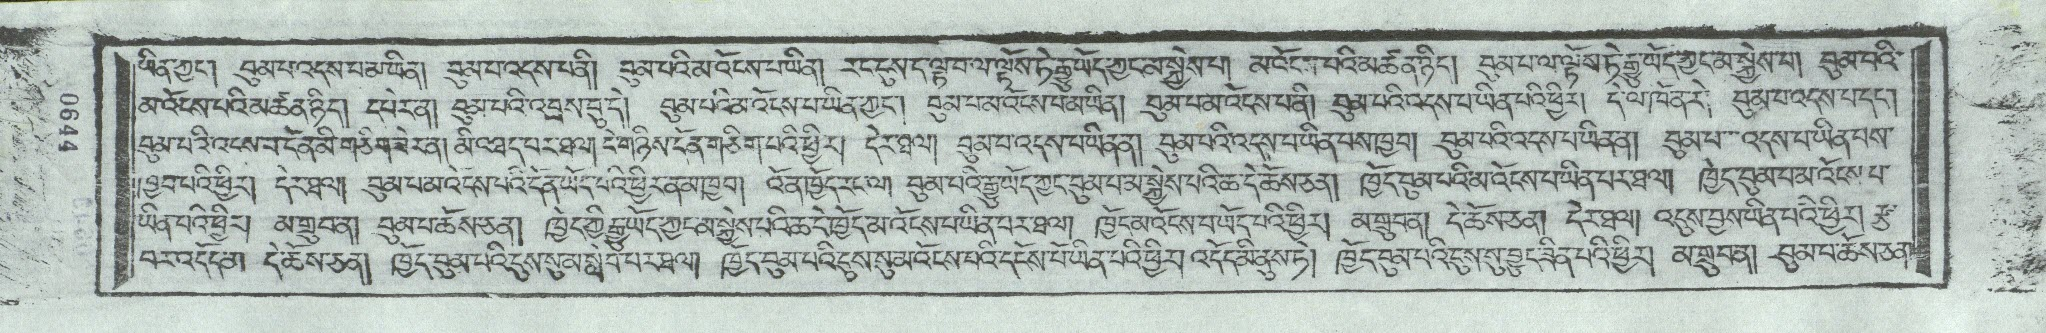ཡིན་ཀྱང་། བུམ་པ་འདས་པ་མ་ཡིན། བུམ་པ་འདས་པ་ནི། བུམ་པའི་མ་འོངས་པ་ཡིན། རང་དུས་ད་ལྟ་བ་ལ་ལྟོས་ཏེ་རྒྱུ་ཡོད་ཀྱང་མ་སྐྱེས་པ། མ་འོངས་པའི་མཚན་ཉིད། བུམ་པ་ལ་ལྟོས་ཏེ་རྒྱུ་ཡོད་ཀྱང་མ་སྐྱེས་པ། བུམ་པའི་
མ་འོངས་པའི་མཚན་ཉིད། དཔེར་ན། བུམ་པའི་འབྲས་བུ་དེ། བུམ་པའི་མ་འོངས་པ་ཡིན་ཀྱང་། བུམ་པ་མ་འོངས་པ་མ་ཡིན། བུམ་པ་མ་འོངས་པ་ནི། བུམ་པའི་འདས་པ་ཡིན་པའི་ཕྱིར། དེ་ལ་ཁོ་ན་རེ། བུམ་པ་འདས་པ་དང་།
བུམ་པའི་འདས་པ་དོན་མི་གཅིག་ཟེར་ན། མི་འཐད་པར་ཐལ། དེ་གཉིས་དོན་གཅིག་པའི་ཕྱིར། དེར་ཐལ། བུམ་པ་འདས་པ་ཡིན་ན། བུམ་པའི་འདས་པ་ཡིན་པས་ཁྱབ། བུམ་པའི་འདས་པ་ཡིན་ན། བུམ་པ་འདས་པ་ཡིན་པས་
ཁྱབ་པའི་ཕྱིར། དེར་ཐལ། བུམ་པ་མ་འོངས་པའི་དོན་ཡོད་པའི་ཕྱིར་ན་མ་ཁྱབ། འོ་ན་ཁྱོད་རང་ལ། བུམ་པའི་རྒྱུ་ཡོད་ཀྱང་བུམ་པ་མ་སྐྱེས་པའི་ཆ་དེ་ཆོས་ཅན། ཁྱོད་བུམ་པའི་མ་འོངས་པ་ཡིན་པར་ཐལ། ཁྱེད་བུམ་པ་མ་འོངས་པ་
ཡིན་པའི་ཕྱིར། མ་གྲུབ་ན། བུམ་པ་ཆོས་ཅན། ཁྱེད་ཀྱི་རྒྱུ་ཡོད་ཀྱང་མ་སྐྱེས་པའི་ཆ་དེ་ཁྱོད་མ་འོངས་པ་ཡིན་པར་ཐལ། ཁྱོད་མ་འོངས་པ་ཡོད་པའི་ཕྱིར། མ་གྲུབ་ན། དེ་ཆོས་ཅན། དེར་ཐལ། འདུས་བྱས་ཡིན་པའི་ཕྱིར། རྩ་
བར་འདོད་ན། དེ་ཆོས་ཅན། ཁྱོད་བུམ་པའི་དུས་སུ་མ་སླེབ་པར་ཐལ། ཁྱོད་བུམ་པའི་དུས་སུ་མ་འོངས་པའི་དངོས་པོ་ཡིན་པའི་ཕྱིར། འདོད་མི་ནུས་ཏེ། ཁྱོད་བུམ་པའི་དུས་སུ་བྱུང་ཟིན་པའི་ཕྱིར། མ་གྲུབ་ན། བུམ་པ་ཆོས་ཅན་